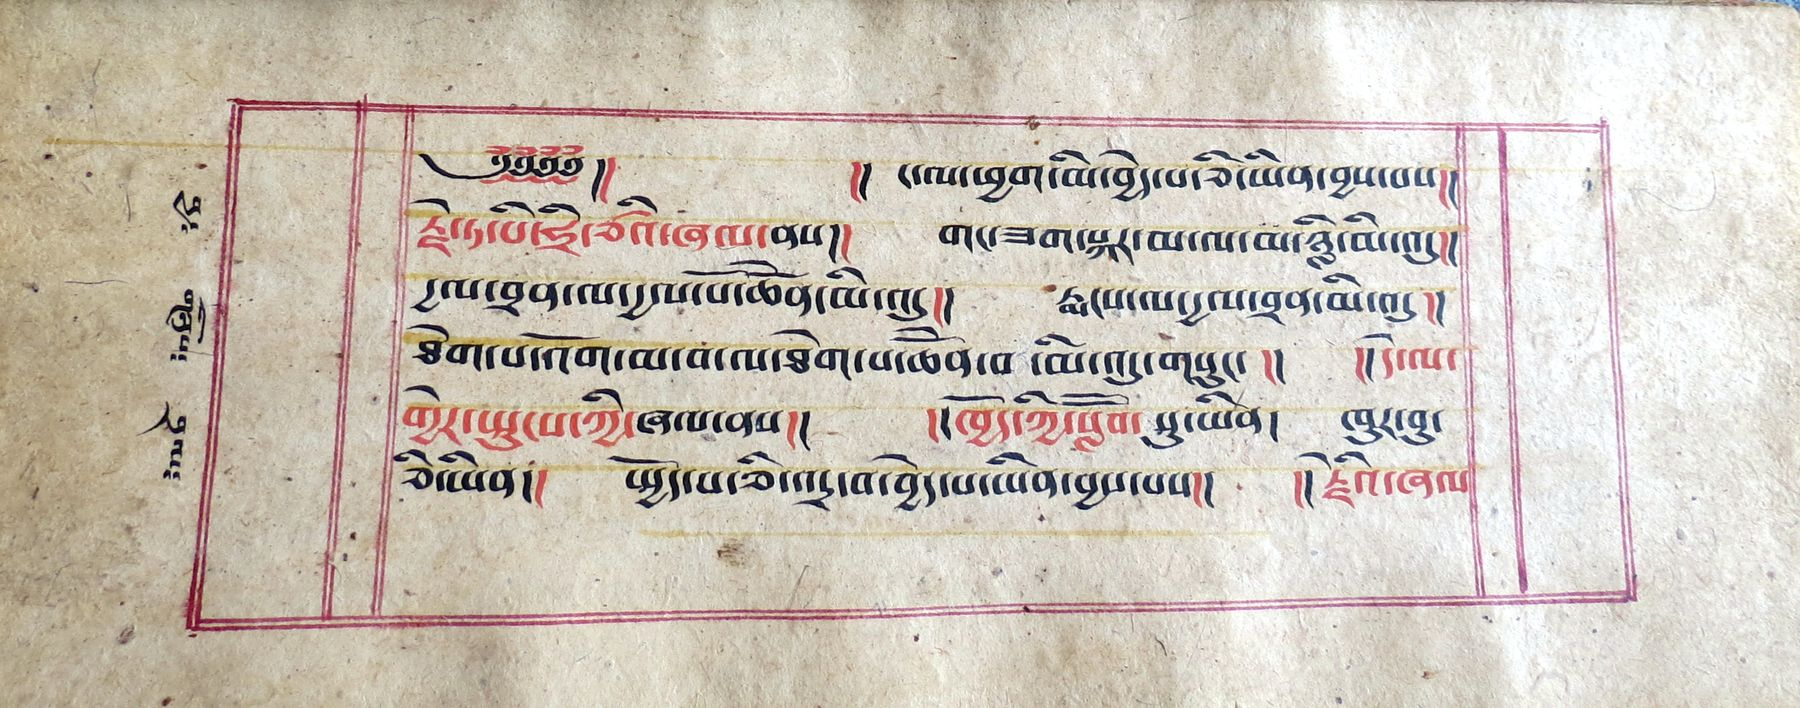ང་ལ་ཕྱག་མི་བྱེད་པ་ཅི་ཡིན་བྱས་པས། 
རྗེ་ཏ་པི་ཧྲི་ཙའི་ཞལ་ནས། གང་ཟག་སྐར་མ་ལ་ཉི་ཟླ་མི་འདུ།
རྒྱལ་ཕྲན་ལ་རྒྱལ་པོ་ཆེན་པོ་མི་འདུ། རྨངས་ལ་རྒྱལ་ཕྲན་མི་འདུ། 
ཐེག་པ་འོག་མ་ལ་ཐེག་པ་ཆེན་པོ་མི་འདུ་གསུང་། དེ་ལ་
གྱེར་སྤུངས་ཀྱིས་ཞལ་ནས། ཁྱོད་ཀྱི་སློབ་དཔོན་སུ་ཡིན། ཁུར་བུ་
ཅི་ཡིན། སྤྱོད་པ་འདི་འདྲ་བྱེད་པ་ཅི་ཡིན་བྱས་པས། རྗེའི་ཞལ་